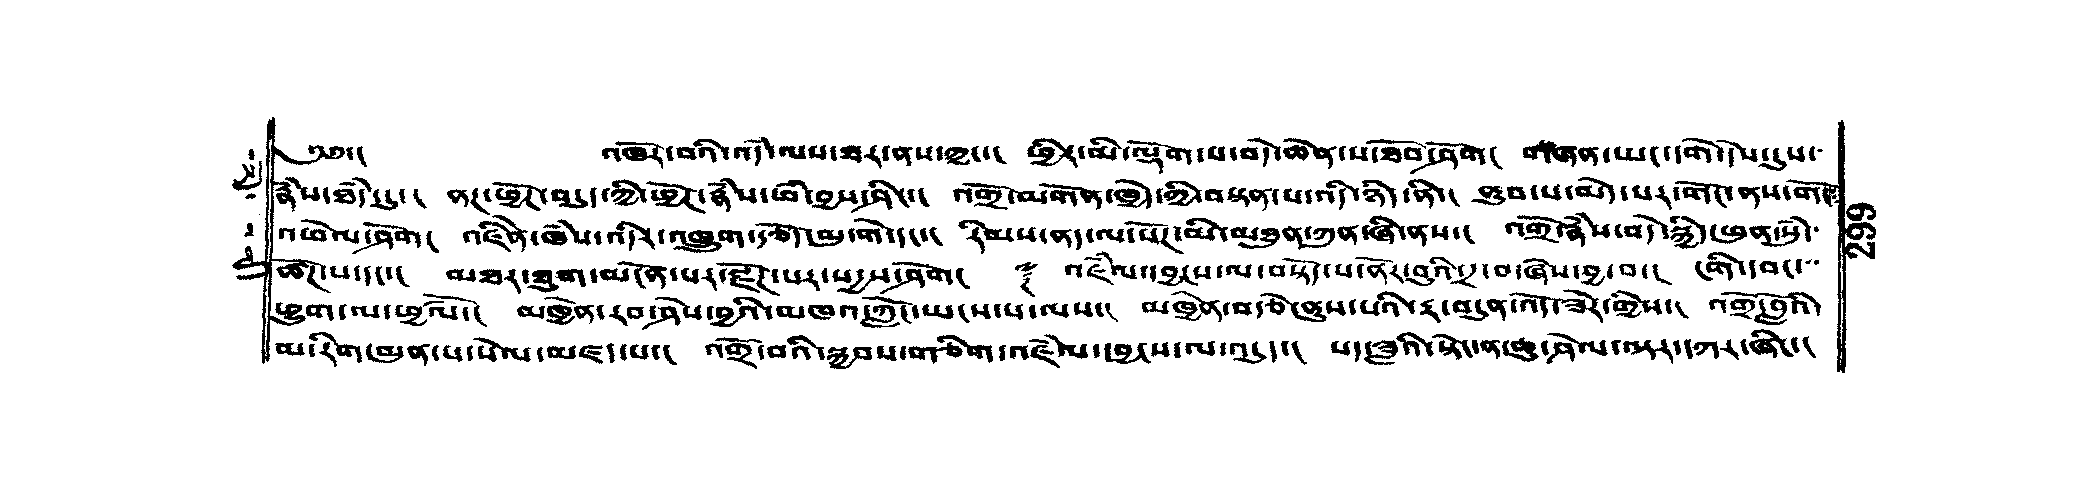འཁོར་བའི་འདམ་ལས་ཐར་ནས་ཀྱང་། །ཕྱིར་མི་ལྡོག་པ་བདེ་ཆེན་ས་ཐོབ་ཤོག །གཞན་ཡང་དགེ་དེས་དུས་
རྣམས་ཐམས་ཅད་དུ། །ནག་ཕྱོགས་བདུད་ཀྱི་ཕྱོགས་རྣམས་ཕམ་བྱས་ཤིང་། །འགྲོ་མགོན་ཁྱེད་ཀྱི་བསྟན་པའི་འདི་ཉིད་ནི། །ནུབ་པ་མེད་པར་གོང་ནས་གོང་
འཕེལ་ཤོག །འཇིག་རྟེན་ཁམས་འདིར་འཁྲུགས་རྩོད་མུ་གེ་དང་། །རིམས་ནད་ལ་སོགས་མི་མཐུན་ཀུན་ཞི་ནས། །འགྲོ་རྣམས་བདེ་སྐྱིད་ཕུན་སུམ་
ཚོགས་པ་དང་། །མཐར་ཐུག་མངོན་པར་རྫོགས་པར་སངས་རྒྱས་ཤོག ༈ འཇམ་དཔལ་དབྱངས་ལ་བསྟོད་པ་ནོར་བུའི་དྲ་བ་ཞེས་བྱ་བ། ངག་གི་དབང་
ཕྱུག་ལ་ཕྱག་འཚལ་ལོ། མཁྱེན་རབ་ཤེས་བྱའི་མཁའ་ཀློང་ཡངས་པ་ལས། །མཁྱེན་བརྩེ་ནུས་པའི་རྟ་བདུན་འོད་ཟེར་གྱིས། །འགྲོ་བློའི་
མ་རིག་མུན་པ་སེལ་མཛད་པ། །འགྲོ་བའི་སྐྱབས་གཅིག་འཇམ་དཔལ་དབྱངས་ལ་འདུད། །པད་ཟླའི་སྟེང་ན་ཆུ་ཤེལ་ལྟར་དཀར་ཞིང་།